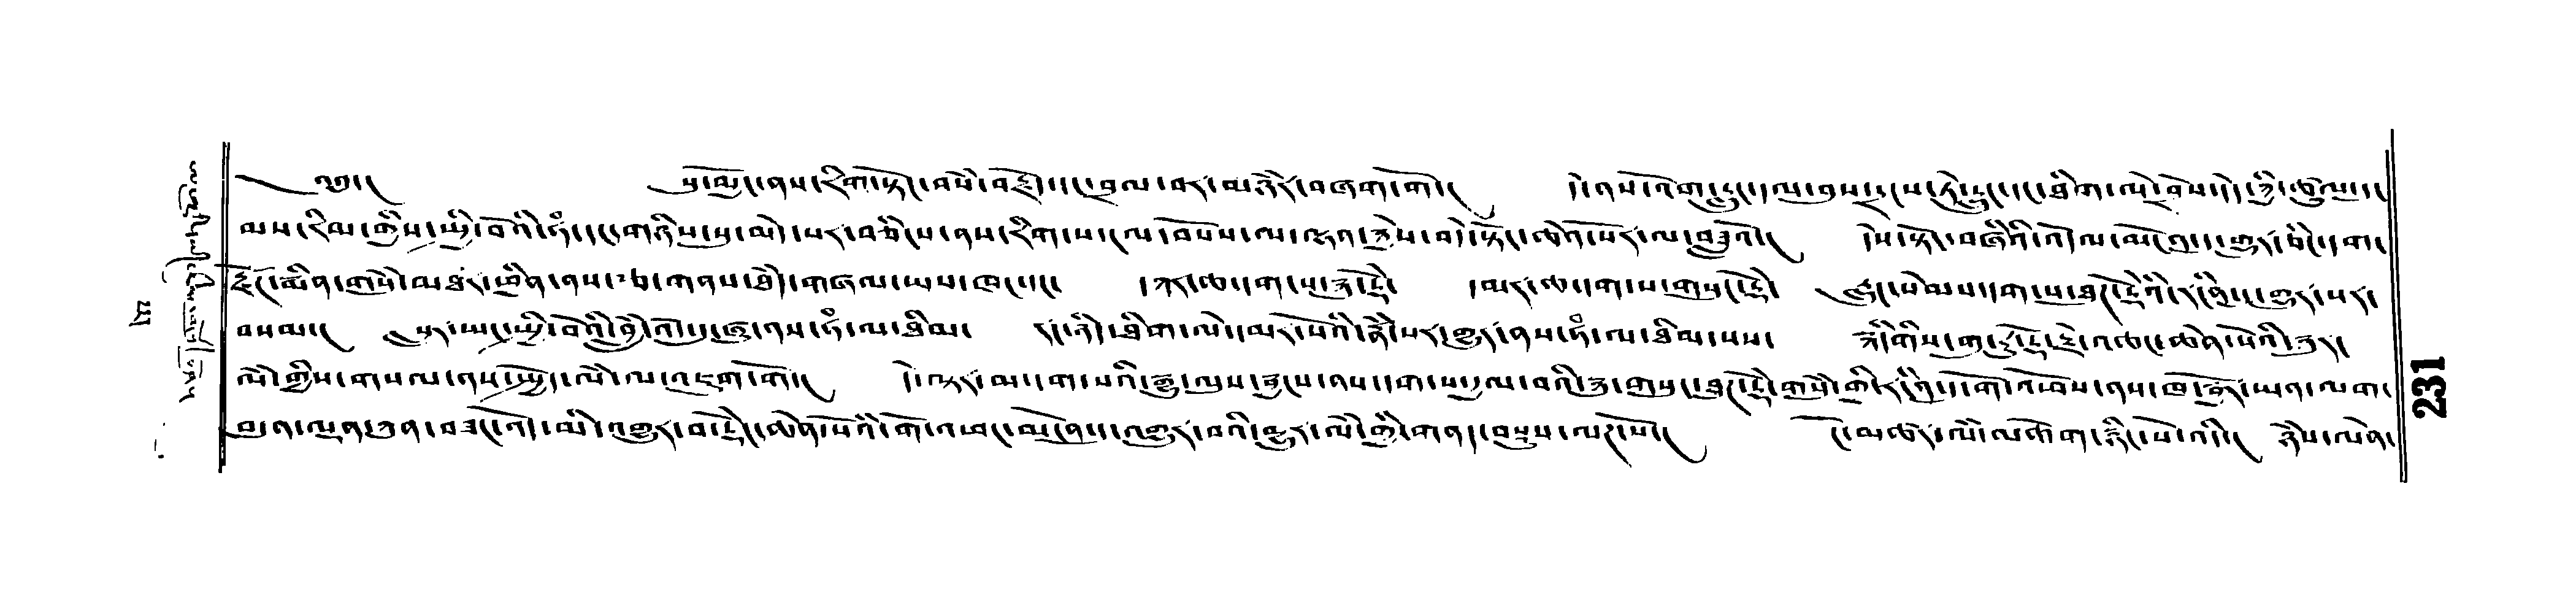སུ་མྱོང་ནས་རིག་སྟོང་བསམ་བརྗོད་དང་བྲལ་བར་མཉམ་པར་བཞག་གོ དེ་ནས་འོག་རླུང་དལ་བུས་དྲངས་ཏེ་རླུང་དང་ཐིག་ལེ་བྲོས་དེད་ཀྱི་ཚུལ་དུ་
མས་རིམ་གྱིས་སྤྱི་བོའི་ཧཾ་དང་གཉིས་སུ་མེད་པར་བཅིངས་ནས་རིག་པ་ངལ་བསོས་ལ་ལྷན་སྐྱེས་བདེ་སྟོང་ཆེན་པོར་ལ་བཟླའོ། དེས་སྟོང་བཞིའི་འོད་གསལ་མངོན་དུ་གྱུར་ཅིང་དག་
རྫོགས་སྨིན་གསུམ་མཐར་ཕྱིན་ནས་རྩ་གནས་ཐམས་ཅད་གཞལ་ཡས་ཁང་དང་། དཀར་ཆ་དག་པ་སྐུ་རྡོ་རྗེ། དམར་ཆ་དག་པ་གསུང་རྡོ་རྗེ། རླུང་སེམས་དག་པ་ཐུགས་རྗེའི་རང་བཞིན་དུ་གྱུར་པར་
བསམ། སླར་ཡང་སྤྱི་བོའི་བླ་མ་འོད་དུ་ཞུ་ནས་རང་ལ་ཐིམ། རང་ཉིད་ཐིག་ལེ་དམར་པོའི་རྣམ་པར་གྱུར་ནས་ཧཾ་ལ་ཐིམ་པས། སྐད་ཅིག་གིས་གུ་རུ་རྡོ་རྗེ་འཆང་ཆེན་པོའི་སྐུར་
ལམ་གྱིས་གསལ་ནས་སྤྱོད་ལམ་ལ་འཇུག་གོ དེ་ལྟར་མ་དག་པའི་སྒྱུ་ལུས་སྦྱངས་ནས་དག་པ་རྒྱལ་པའི་སྐུ་གསུང་ཐུགས་རྡོ་རྗེ་གསུམ་གྱི་རང་བཞིན་དུ་གོ་འཕོས་ནས་ཁ་སྦྱོར་ཡན་ལག་
བདུན་ལྡན་ཀུན་བཟང་འོད་མི་འགྱུར་བ་རྡོ་རྗེ་འཆང་ཆེན་པོའི་གོ་འཕང་མངོན་དུ་འགྱུར་བའི་མྱུར་ལམ་གྱི་གནད་བསྡུས་ལགས་སོ།། ངོ་མཚར་ལམ་མཆོག་སྙིང་པོ་འདི༔ ཉམས་ལེན་